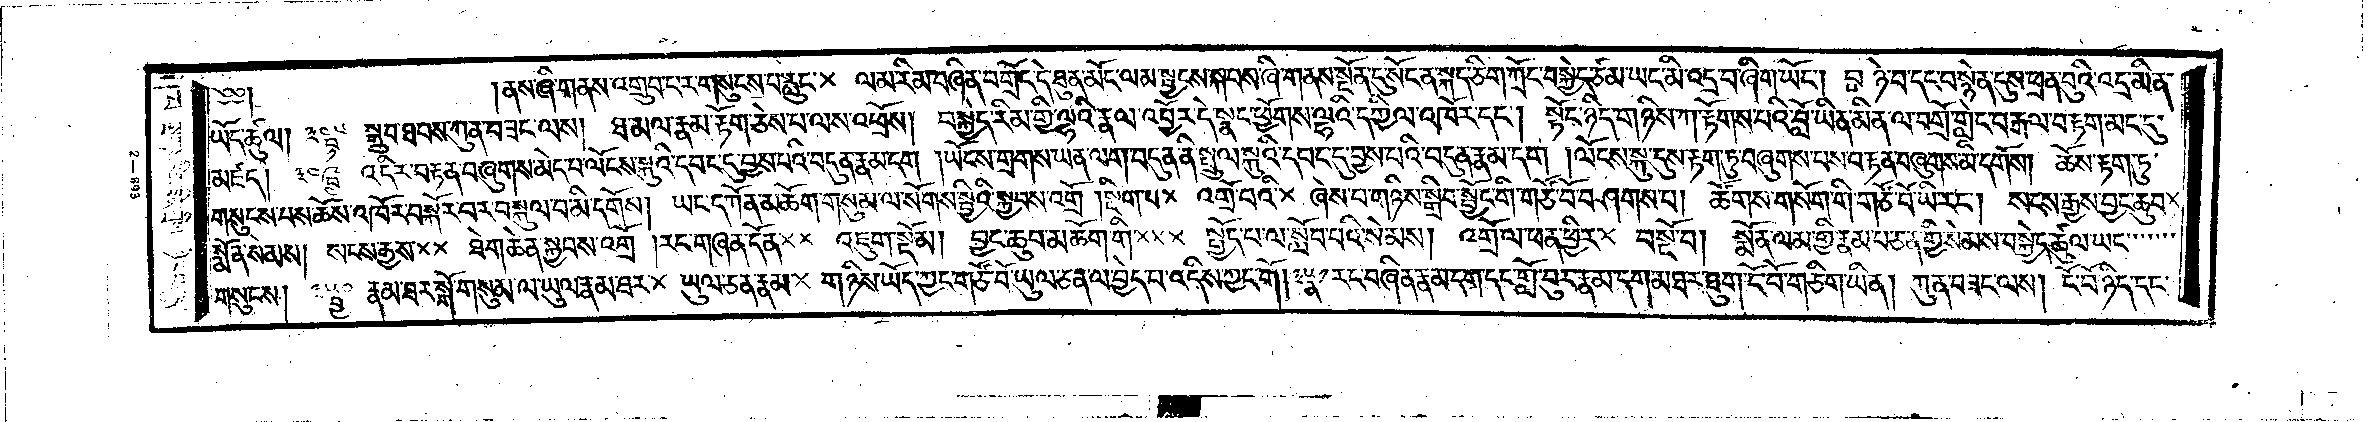༄༅། །ནས་ཞི་གནས་འགྲུབ་པར་གསུངས་པ་རླུང་྾་ལམ་རིམ་བཞིན་བགྲོད་དེ་ཐུན་མོང་ལམ་སྦྱངས་སྐབས་ཞི་གནས་སྔོན་དུ་སོང་ན་སྐད་ཅིག་ཀྲོང་བསྐྱེད་ཙམ་ཡང་མི་འདྲ་བ་ཞིག་ཡོང་། བ༥་ཉེ་བ་དང་བསྙེན་དུས་ཕྲན་བུའི་འདྲ་མིན་
ཡོད་ཚུལ། ༣༤༥བ༡་སྒྲུབ་ཐབས་ཀུན་བཟང་ལས། ཐ་མལ་རྣམ་རྟོག་ཅེས་པ་ལས་འཕྲོས། བསྐྱེད་རིམ་གྱི་ལྷའི་རྣལ་འབྱོར་དེ་སྣང་ཕྱོགས་ལྷའི་དཀྱིལ་འཁོར་དང་། སྟོང་ཉིད་གཉིས་ཀ་རྟོགས་པའི་བློ་ཡིན་མིན་ལ་བགྲོ་གླེང་བརྒལ་བརྟག་མང་དུ་
མཛད། ༣༤༩བ༤་འདིར་བརྟན་བཞུགས་མེད་པ་ལོངས་སྐུའི་དབང་དུ་བྱས་པའི་བདུན་རྣམ་དག །ཡོངས་གྲགས་ཡན་ལག་བདུན་ནི་སྤྲུལ་སྐུའི་དབང་དུ་བྱས་པའི་བདུན་རྣམ་དག །ལོངས་སྐུ་དུས་རྟག་ཏུ་བཞུགས་པས་བརྟན་བཞུགས་མི་དགོས། ཆོས་རྟག་ཏུ་
གསུངས་པས་ཆོས་འཁོར་བསྐོར་བར་བསྐུལ་བ་མི་དགོས། ཡང་དཀོན་མཆོག་གསུམ་ལ་སོགས་སྤྱིའི་སྐྱབས་འགྲོ། སྡིག་པ་྾་འགྲོ་བའི་྾་ཞེས་པ་གཉིས་སྒྲིབ་སྦྱོང་གི་གཙོ་བོ་བཤགས་པ། ཚོགས་གསོག་གི་གཙོ་བོ་ཡི་རང་། སངས་རྒྱས་བྱང་ཆུབ་྾་
སྨོན་སེམས། སངས་རྒྱས་྾་྾་ཐེག་ཆེན་སྐྱབས་འགྲོ་།རང་གཞན་དོན་྾་྾་འཇུག་སྡོམ། བྱང་ཆུབ་མཆོག་ག་྾་྾་྾་སྤྱོད་པ་ལ་སློབ་པའི་སེམས། འགྲོ་ལ་ཕན་ཕྱིར་྾་བསྔོ་བ། སྨོན་ལམ་གྱི་རྣམ་པ་ཅན་གྱི་སེམས་བསྐྱེད་ཚུལ་ཡང་
གསུངས། ༣༥༠བ༤་རྣམ་ཐར་སྒོ་གསུམ་ལ་ཡུལ་རྣམ་ཐར་྾་ཡུལ་ཅན་རྣམ་྾་གཉིས་ཡོད་ཀྱང་གཙོ་བོ་ཡུལ་ཅན་ལ་བྱེད་པ་འདིས་ཀྱང་གོ། ༣༥༡ན་རང་བཞིན་རྣམ་དག་དང་གློ་བུར་རྣམ་དག་མཐར་ཐུག་ངོ་བོ་གཅིག་ཡིན། ཀུན་བཟང་ལས། ངོ་བོ་ཉིད་དང་